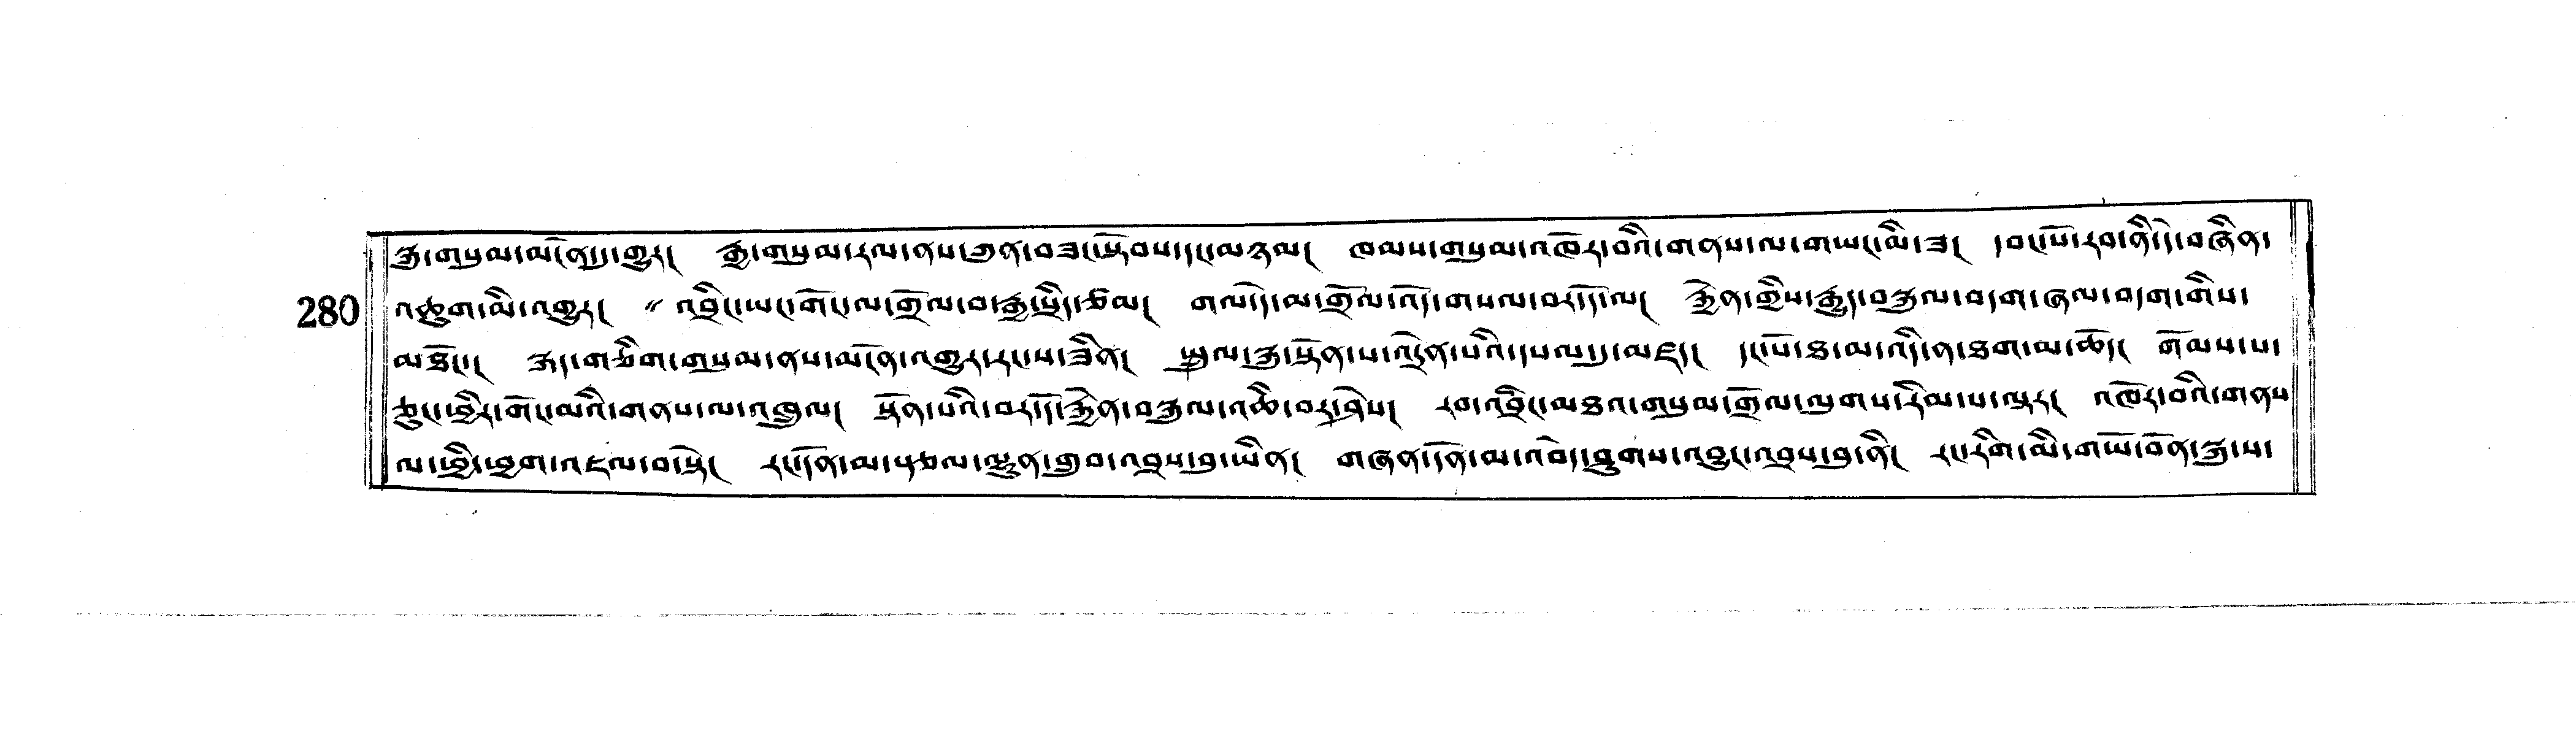སྐུ་གསུམ་མངོན་དུ་གྱུར། རྒྱ་གསུམ་རལ་ནས་ཀུན་བཟང་སྟོབས་དང་མཉམ། ཁམས་གསུམ་འཁོར་བའི་གནས་ལ་གཡང་མི་ཟ། དབང་པོ་རབ་ནི་དེ་བཞིན་
འཆུག་མི་འགྱུར། ༧ འབྲིང་ཡང་གོང་ལ་གྲོལ་བ་རྒྱ་སྲིད་ཙམ། གལ་ཏེ་མ་གྲོལ་འོད་གསལ་བར་དོ་ལ། རྐྱེན་གྱིས་རྒྱུད་བསྐུལ་བདག་ཞལ་བདག་གིས་
མཐོང་། སྐད་ཅིག་གསུམ་ནས་མངོན་གྱུར་རང་ས་ཟིན། སྤྲུལ་སྐུ་སྟོན་པ་འདྲེན་པའི་དཔལ་དུ་མཛད། དང་པོ་ཐ་མ་འདི་ན་ཐག་མ་ཆོད། གོམས་པ་
ཅུང་ཕྱིར་གོང་མའི་གནས་ལ་འཁྲུལ། སྟོན་པའི་བར་དོ་རྐྱེན་བསྐུལ་འཆི་བར་ཤེས། རབ་འབྲིང་ཐ་གསུམ་གྲོལ་ལུགས་རིམ་པ་ལྟར། འཁོར་བའི་གནས་
ལ་ཕྱི་ཕྱག་འཇལ་བ་སྟེ། རང་དོན་མ་སྩལ་ལྷུན་གྲུབ་འབྲས་བུ་ཡིན། གཞན་དོན་འབད་མེད་ཤུགས་འབྱུང་འབྲས་བུ་ནི། རང་རིག་མི་གཡོ་བོན་སྐུ་ས་